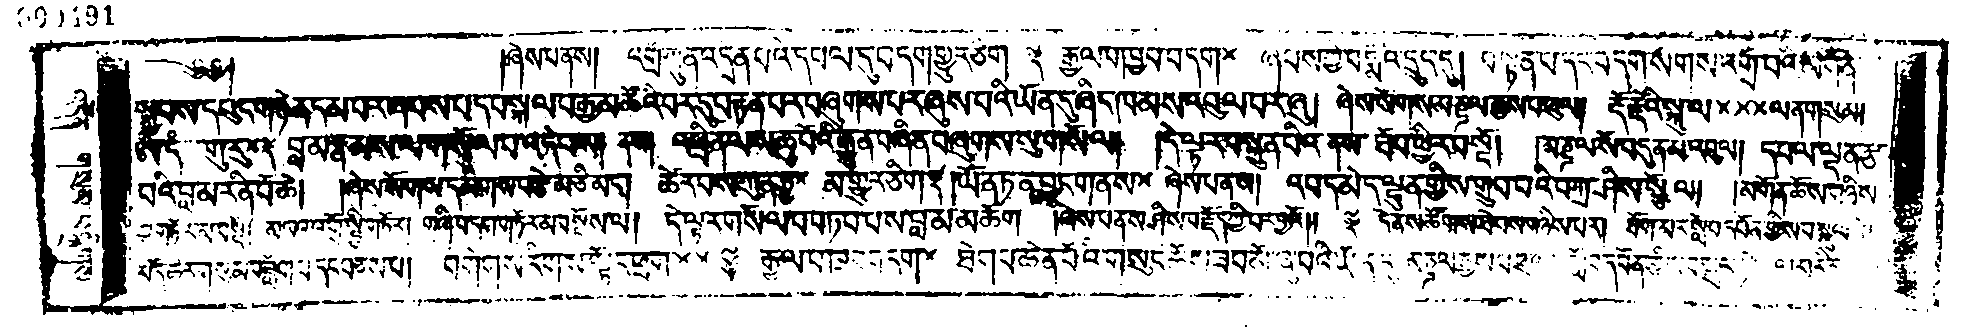༄༅། ། ཞེས་པ་ནས།  འགྲོ་ཀུན་འདྲེན་པའི་དཔལ་དུ་བདག་གྱུར་ཅིག ༈ རྒྱལ་བ་ཁྱབ་བདག྾་ཞབས་ཀྱི་པདམོའི་དྲུང་དུ། བསྟན་པ་དང་བདག་སོགས་འགྲོ་བའི་མགོན་
སྐྱབས་དཔུང་གཉེན་དམ་པར་ཞབས་པད་བསྐལ་བ་རྒྱ་མཚོའི་བར་དུ་བརྟན་པར་བཞུགས་པར་ཞུས་པའི་ཡོན་དུ་ཞིང་ཁམས་འབུལ་བར་ཞུ། ཞེས་སོགས་མཎྜལ་རྒྱས་པ་ཕུལ།  རྡོ་རྗེའི་སྐུ་ལ་྾྾྾་ལན་གསུམ།
ཨི་དཾ་གུ་རུ྾་༈ བླ་མ་རྣམས་ལ་གསོལ་བ་འདེབས། ནས།  འཕྲིན་ལས་ཆུ་བོའི་རྒྱུན་བཞིན་བཞུགས་སུ་གསོལ། །དེ་ལྟར་བསྐྲུན་པའི་ནས་ཐོབ་ཕྱིར་བསྔོ། །མཎྜལ་སོ་བདུན་མ་འབུལ། དཔལ་ལྡན་རྩ་
བའི་བླ་མ་རིན་པོ་ཆེ། །ཞེས་སོགས་དམིགས་བརྩེ་མ་ཅི་མང་། ཚེ་རབས་ཀུན་ཏུ྾་མ་གྱུར་ཅིག ༈ །ཡོན་ཏན་བྱུང་གནས྾་ཞེས་པ་ནས།  འབད་མེད་ལྷུན་གྱིས་གྲུབ་པའི་བཀྲ་ཤིས་སྩོལ། །མགོན་ཆོས་གཉིས་
ཀྱི་གཏོར་མ་བསྔོ། མཁའ་འགྲོ་སྤྱི་གཏོར། གཞི་བདག་གཏོར་མ་བསྔོས་ལ། དེ་ལྟར་གསོལ་བ་བཏབ་པས་བླ་མ་མཆོག །ཞེས་པ་ནས་ཤིས་བརྗོད་ཀྱི་བར་བྱའོ།། ༈ དེ་ནས་ཚོགས་ཐེབས་གཉིས་པར། ཐོག་མར་སློབ་དཔོན་གྱིས་བསྐུལ་ཏེ།
མདོ་ཚར་གསུམ་བཟློག་པ་དང་བཅས་པ། བགེགས་རིགས་སྟོང་ཕྲག་྾྾་༈ རྒྱལ་བ་ཁྱབ་བདག྾་ཐེག་པ་ཆེན་པོའི་གསུང་ཆོས་ཟབ་མོ་ཞུ་བའི་ཡོན་དུ་མཎྜལ་རྒྱས་པ་ཕུལ། སློབ་དཔོན་གྱིས་བསྐུལ་ཏེ། ལམ་རིམ་གསོལ་